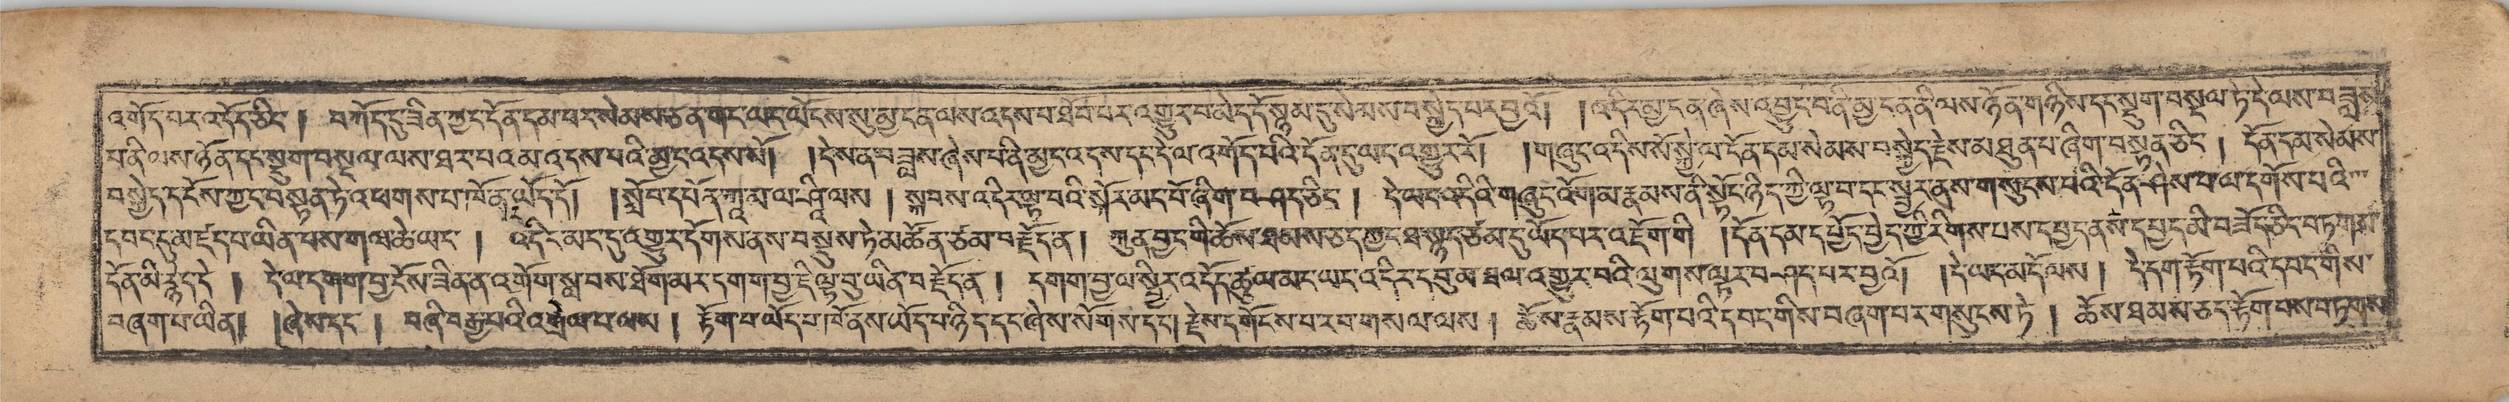འགོད་པར་འདོད་ཅིང་། བཀོད་དུ་ཟིན་ཀྱང་དོན་དམ་པར་སེམས་ཅན་གང་ཡང་ཡོངས་སུ་མྱ་ངན་ལས་འདས་པ་ཐོབ་པར་འགྱུར་བ་མེད་དོ་སྙམ་དུ་སེམས་བསྐྱེད་པར་བྱའོ། །འདིར་མྱ་ངན་ཞེས་འབྱུང་བ་ནི་མྱ་ངན་ནི་ལས་ཉོན་གཉིས་དང་སྡུག་བསྔལ་ཏེ་དེ་ལས་བཟླས་
པ་ནི་ལས་ཉོན་དང་སྡུག་བསྔལ་ལས་ཐར་པ་འམ་འདས་པའི་མྱང་འདས་སོ། །དེས་ན་བཟླས་ཞེས་པ་ནི་མྱང་འདས་དང་དེ་ལ་འགོད་པའི་དོན་དུ་ཡང་འགྱུར་རོ། །གཞུང་འདིས་སོ་སྐྱེ་ལ་དོན་དམ་སེམས་བསྐྱེད་རྗེས་མཐུན་པ་ཞིག་བསྟན་ཅིང་། དོན་དམ་སེམས་
བསྐྱེད་དངོས་ཀྱང་བསྟན་ཏེ་འཕགས་པ་ཁོ་ན་ཡོད་དོ། །སློབ་དཔོན་ཀཱ་མ་ལ་ཤཱི་ལས། སྐབས་འདིར་ལྟ་བའི་སྐོར་མང་པོ་ཞིག་བཤད་ཅིང་། དེ་ཡང་འདིའི་གཞུང་འོག་མ་རྣམས་ནི་སྟོང་ཉིད་ཀྱི་ལྟ་བ་དང་སྦྱར་ནས་གསུངས་པའི་དོན་ཤེས་པ་ལ་དགོས་པའི་
དབང་དུ་མཛད་པ་ཡིན་པས་གལ་ཆེ་ཡང་། འདིར་མང་དུ་འགྱུར་དོགས་ནས་བསྡུས་ཏེ་མཚོན་ཙམ་བརྗོད་ན། ཀུན་བྱང་གི་ཆོས་ཐམས་ཅད་ཀྱང་ཐ་སྙད་ཙམ་དུ་ཡོད་པར་འཇོག་གི །དོན་དམ་དཔྱོད་བྱེད་ཀྱི་རིགས་པས་དཔྱད་ནས་དཔྱད་མི་བཟོད་ཅིང་བཏགས་
དོན་མི་རྙེད་དེ། དེ་ལ་དགག་བྱ་ངོས་ཟིན་ན་འགོག་སླ་བས་ཐོག་མར་དགག་བྱ་ཇི་ལྟ་བུ་ཡིན་བརྗོད་ན། དགག་བྱ་ལ་སྤྱིར་འདོད་ཚུལ་མང་ཡང་འདིར་དབུ་མ་ཐལ་འགྱུར་བའི་ལུགས་ལྟར་བཤད་པར་བྱའོ། །དེ་ཡང་མདོ་ལས། དེ་དག་རྟོག་པའི་དབང་གིས་
བཞག་པ་ཡིན། །ཞེས་དང་། བཞི་བརྒྱ་པའི་འགྲེལ་པ་ལས། རྟོག་པ་ཡོད་པ་ཁོ་ནས་ཡོད་པ་ཉིད་དང་ཞེས་སོགས་དག་རྗེས་དགོངས་པ་རབ་གསལ་ལས། ཆོས་རྣམས་རྟོག་པའི་དབང་གིས་བཞག་པར་གསུངས་ཏེ། ཆོས་ཐམས་ཅད་རྟོག་པས་བཏགས་